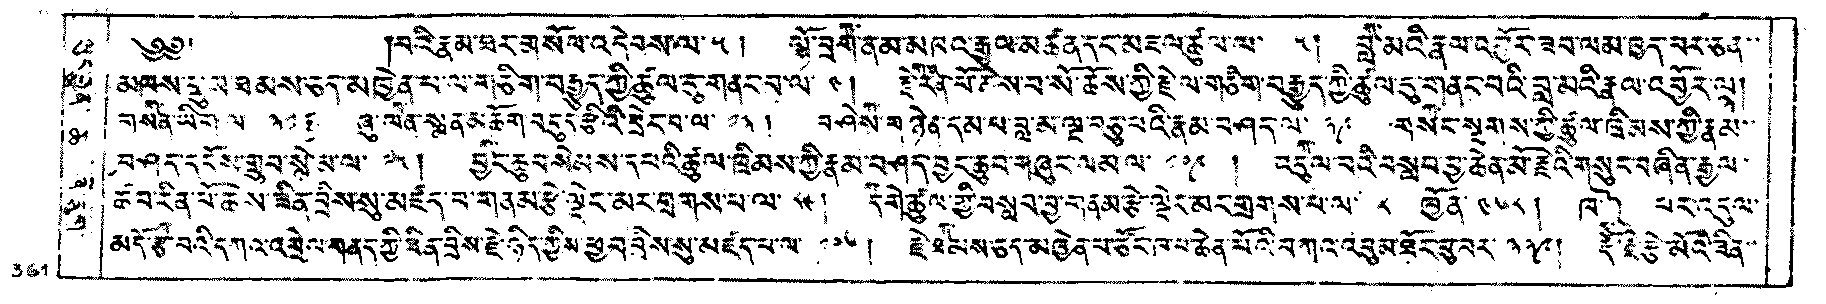༄༅། །བའི་རྣམ་ཐར་གསོལ་འདེབས་ལ ༥། ཀ་ལྷོ་བྲག་ནམ་མཁའ་རྒྱལ་མཚན་དང་མཇལ་ཚུལ་ལ ༥། ཀ་བླ་མའི་རྣལ་འབྱོར་ཟབ་ལམ་ཁྱད་པར་ཅན་
མཁས་གྲུབ་ཐམས་ཅད་མཁྱེན་པ་ལ་གཅིག་བརྒྱུད་ཀྱི་ཚུལ་དུ་གནང་བ་ལ ༤། ཀ་རྗེ་རིན་པོ་ཆེས་བ་སོ་ཆོས་ཀྱི་རྗེ་ལ་གཅིག་བརྒྱུད་ཀྱི་ཚུལ་དུ་གནང་བའི་བླ་མའི་རྣལ་འབྱོར་ལ ༣།
ཀ་གསན་ཡིག་ལ ༣༡། ཞུ་ལན་སྨན་མཆོག་བདུད་རྩིའི་ཕྲེང་བ་ལ ༡༣། བཤེས་ཀ་གཉེན་དམ་པ་བླ་མ་ལྔ་བཅུ་པའི་རྣམ་བཤད་ལ ༢༩་ཀ་གསང་སྔགས་ཀྱི་ཚུལ་ཁྲིམས་ཀྱི་རྣམ་
བཤད་དངོས་གྲུབ་སྙེ་མ་ལ ༧༥། ཀ་བྱང་ཆུབ་སེམས་དཔའི་ཚུལ་ཁྲིམས་ཀྱི་རྣམ་བཤད་བྱང་ཆུབ་གཞུང་ལམ་ལ ༡༠༩། ཀ་འདུལ་བའི་བསླབ་བྱ་ཆེན་མོ་རྗེའི་གསུང་བཞིན་རྒྱལ་
ཚབ་རིན་པོ་ཆེས་ཟིན་བྲིས་སུ་མཛད་པ་གནམ་རྩེ་ལྡེང་མར་གྲགས་པ་ལ ༨༤། ཀ་དགེ་ཚུལ་གྱི་བསླབ་བྱ་གནམ་རྩེ་ལྡེང་མར་གྲགས་པ་ལ ༨་ཁྱོན ༤༦༨། ཁ}་པར་འདུལ་
ཀ་མདོ་རྩ་བའི་དཀའ་འགྲེལ་གནད་ཀྱི་ཟིན་བྲིས་རྗེ་ཉིད་ཀྱིས་ཕྱག་བྲིས་སུ་མཛད་པ་ལ ༡༠༦། ཀ་རྗེ་ཐམས་ཅད་མཁྱེན་པ་ཙོང་ཁ་པ་ཆེན་པོའི་བཀའ་འབུམ་ཐོར་བུ་བར ༣༢༩། ཀ་རྡོ་རྗེ་རྩེ་མོའི་ཟིན་